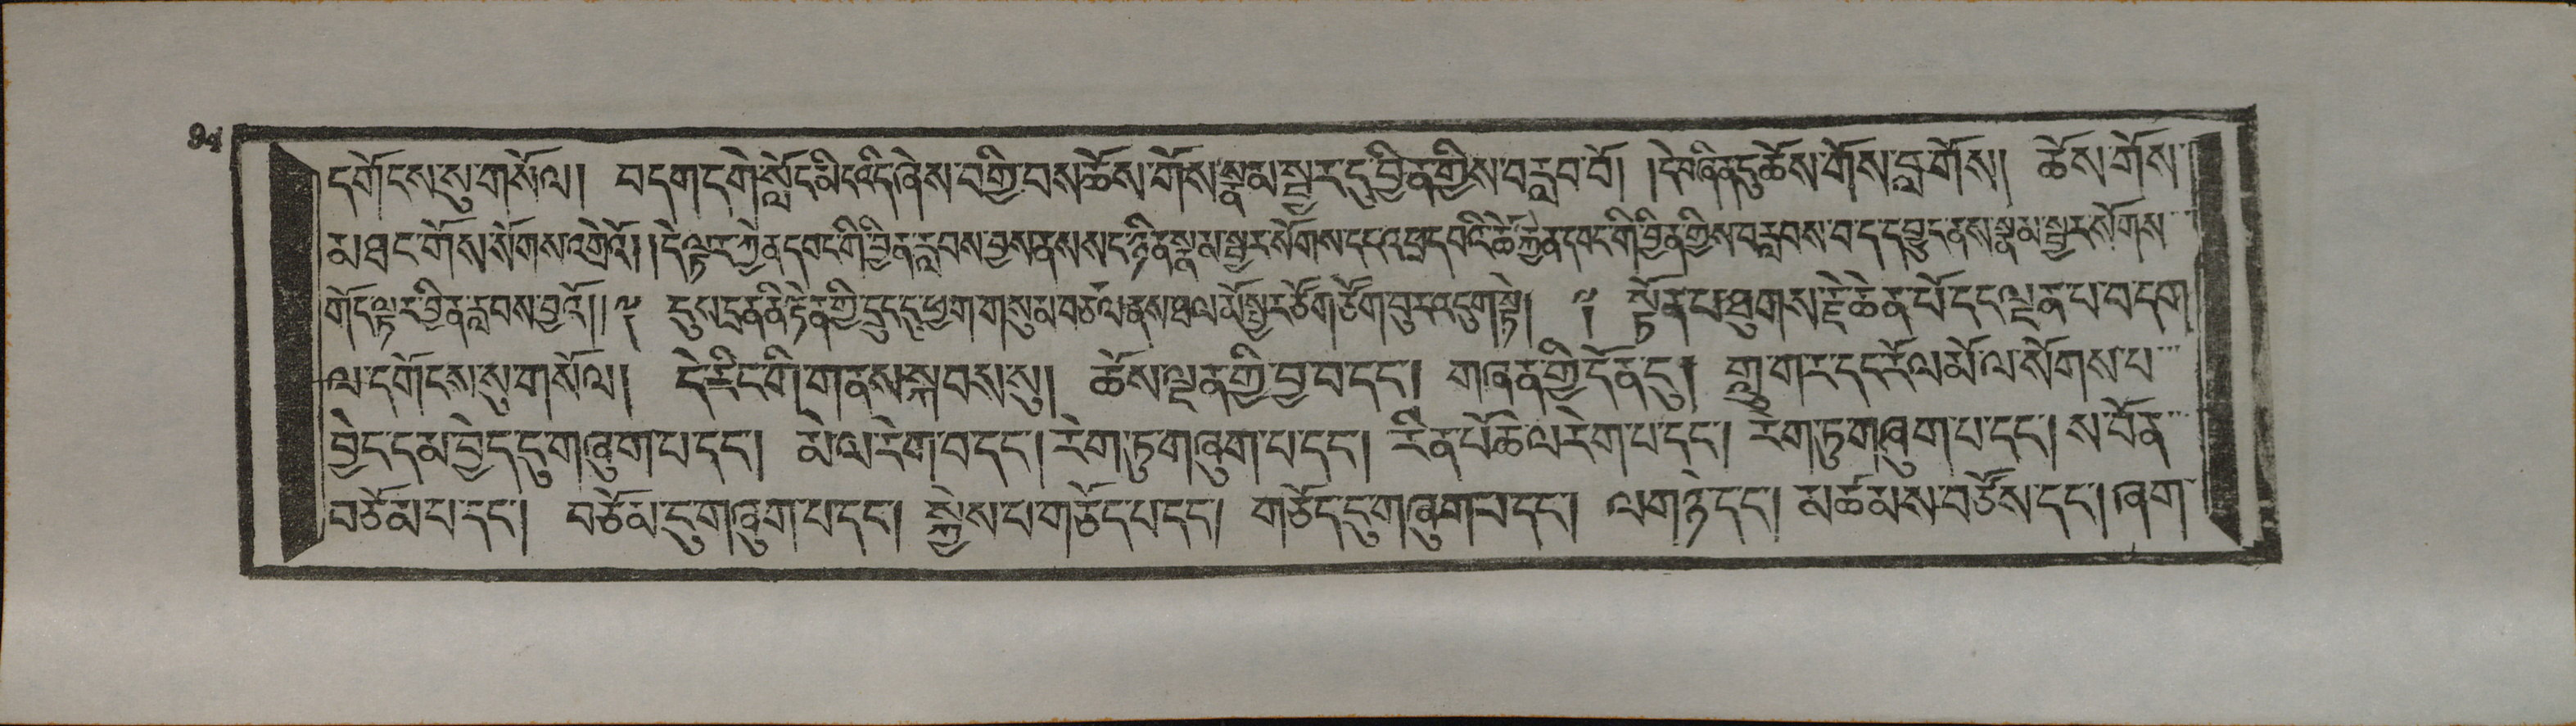དགོངས་སུ་གསོལ། བདག་དགེ་སློང་མིང་འདི་ཞེས་བགྱི་བས་ཆོས་གོས་སྣམ་སྦྱར་དུ་བྱིན་གྱིས་བརླབ་བོ། །དེ་བཞིན་དུ་ཆོས་གོས་བླ་གོས། ཆོས་གོས་
མཐང་གོས་སོགས་འགྲེའོ། །དེ་ལྟར་ཀྱེན་དབང་གི་བྱིན་རླབས་བྱས་ནས་སང་ཉིན་སྣམ་སྦྱར་སོགས་དང་འཕྲད་པའི་ཚེ་རྐྱེན་དབང་གི་བྱིན་གྱིས་བརླབས་བ་ད་དབྱུང་ནས་སྣམ་སྦྱར་སོགས་
གོང་ལྟར་བྱིན་རླབས་བྱའོ། ། ༈ དུས་དྲན་ནི་རྟེན་གྱི་དྲུང་དུ་ཕྱག་གསུམ་བཙལ་ནས་ཐལ་མོ་སྦྱར་ཙོག་ཙོག་བུར་འདུག་སྟེ། ༈ སྟོན་པ་ཐུགས་རྗེ་ཆེན་པོ་དང་ལྡན་པ་བདག་
ལ་དགོངས་སུ་གསོལ། དེ་རིང་གི་གནས་སྐབས་སུ། ཆོས་ལྡན་གྱི་བྱ་བ་དང་། གཞན་གྱི་དོན་དུ། གླུ་གར་དང་རོལ་མོ་ལ་སོགས་པ་
བྱེད་དམ་བྱེད་དུ་གཞུག་པ་དང་། མེ་ལ་རེག་པ་དང་། རེག་ཏུ་གཞུག་པ་དང་། རིན་པོ་ཆེ་ལ་རེག་པ་དང་། རེག་ཏུ་གཞུག་པ་དང་། ས་བོན་
བཅོམ་པ་དང་། བཅོམ་དུ་གཞུག་པ་དང་། སྐྱེས་པ་གཅོད་པ་དང་། གཅོད་དུ་གཞུག་པ་དང་། ལག་ཉེ་དང་། མཚམས་བཙོས་དང་། ཞག་